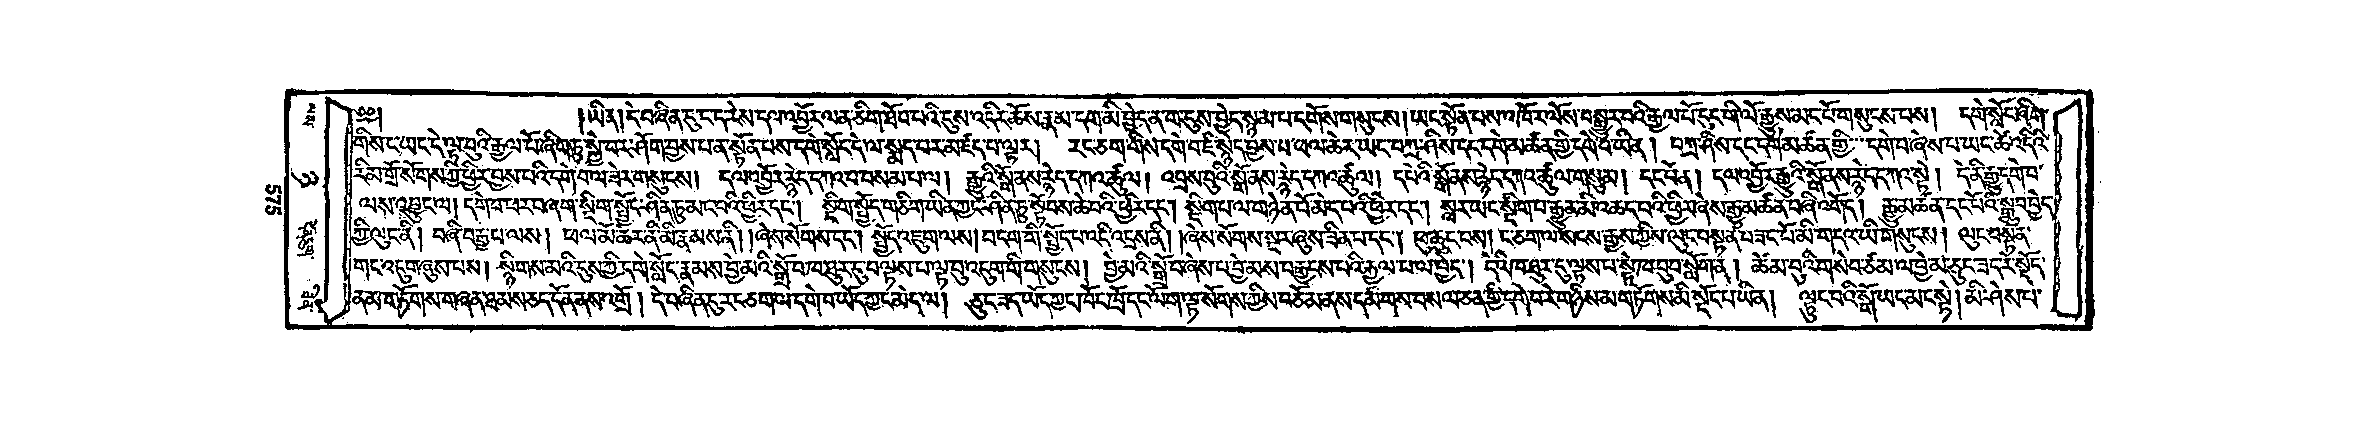༄༅། །ཡིན། དེ་བཞིན་དུ་ང་ད་རེས་དལ་འབྱོར་ལན་ཅིག་ཐོབ་པའི་དུས་འདིར་ཆོས་རྣམ་དག་མི་བྱེད་ན་ག་དུས་བྱེད་སྙམ་པ་དགོས་གསུངས། ཡང་སྟོན་པས་འཁོར་ལོས་བསྒྱུར་བའི་རྒྱལ་པོ་དུང་གི་ལོ་རྒྱུས་མང་པོ་གསུངས་པས། དགེ་སློང་ཞིག་
གིས་ང་ཡང་དེ་ལྟ་བུའི་རྒྱལ་པོ་ཞིག་ཏུ་སྐྱེ་བར་ཤོག་བྱས་པ་ན་སྟོན་པས་དགེ་སློང་དེ་ལ་སྨད་པར་མཛད་པ་ལྟར། རང་ཅག་གིས་དགེ་བ་ཇི་སྙེད་བྱས་པ་ཕལ་ཆེར་ཡང་བཀྲ་ཤིས་དང་དགེ་མཚན་གྱི་དགེ་བ་ཡིན། བཀྲ་ཤིས་དང་དགེ་མཚན་གྱི་དགེ་བ་ཞེས་པ་ཡང་ཚེ་འདིའི་
རིམ་གྲོ་སོགས་ཀྱི་ཕྱིར་བྱས་པའི་དགེ་བ་ལ་ཟེར་གསུངས། དལ་འབྱོར་རྙེད་དཀའ་བ་བསམ་པ་ལ། རྒྱུའི་སྒོ་ནས་རྙེད་དཀའ་ཚུལ། འབྲས་བུའི་སྒོ་ནས་རྙེད་དཀའ་ཚུལ། དཔེའི་སྒོ་ནས་རྙེད་དཀའ་ཚུལ་གསུམ། དང་པོ་ན། དལ་འབྱོར་རྒྱུའི་སྒོ་ནས་རྙེད་དཀའ་སྟེ། དེ་ནི་རྒྱུ་དགེ་བ་
ལས་འབྱུང་ལ། དགེ་བ་ཕར་བཞག་སྡིག་སྤྱོད་ཤིན་ཏུ་མང་བའི་ཕྱིར་དང་། སྡིག་སྤྱོད་གཅིག་ཡིན་ཀྱང་ཤིན་ཏུ་སྟོབས་ཆེ་བའི་ཕྱིར་དང་། སྡིག་པ་ལ་གཉེན་པོ་མེད་པའི་ཕྱིར་དང་། སླར་ཡང་སྡིག་པ་རྒྱུན་མི་འཆད་པའི་ཕྱིར་ཞེས་རྒྱུ་མཚན་བཞི་འགོད། རྒྱུ་མཚན་དང་པོའི་སྒྲུབ་བྱེད་
ཀྱི་ལུང་ནི། བཞི་བརྒྱ་པ་ལས། ཕལ་མོ་ཆེར་ནི་མི་རྣམས་ནི། །ཞེས་སོགས་དང་། སྤྱོད་འཇུག་ལས། བདག་གི་སྤྱོད་པ་འདི་འདྲས་ནི། །ཞེས་སོགས་སྔར་ཞུས་ཟིན་པ་དང་། ཕུ་ཆུང་བས། ང་ཅག་ལ་སངས་རྒྱས་ཀྱིས་ལུང་བསྟན་བཟང་པོ་མི་གདའ་ཡི་གསུངས། ལུང་བསྟན་
གང་འདུག་ཞུས་པས། སྙིགས་མའི་དུས་ཀྱི་དགེ་སློང་རྣམས་བྱེ་མའི་སྒྲོ་བ་ཁ་ཐུར་དུ་བལྟས་པ་ལྟ་བུ་འདུག་གི་གསུངས། བྱེ་མའི་སྒྲོ་བ་ཞེས་པ་བྱེ་མས་བརྒྱངས་པའི་རྐྱལ་པ་ལ་བྱེད། དེའི་ཁ་ཐུར་དུ་ལྟས་པ་སྟེ་ཁ་བུབ་སློག་ན། ཚེམ་བུའི་གསེབ་ཙམ་ལ་བྱེ་མ་ཅུང་ཟད་རེ་སྡོད་
ན་མ་གཏོགས་གཞན་ཐམས་ཅད་དོན་ནས་འགྲོ་།དེ་བཞིན་དུ་རང་ཅག་ལ་དགེ་བ་ཡོད་ཀྱང་མེད་ལ། ཅུང་ཟད་ཡོད་ཀྱང་ཁོང་ཁྲོ་དང་ལོག་ལྟ་སོགས་ཀྱིས་བཅོམ་ནས་དམིགས་བསལ་ཅན་གྱི་དགེ་བ་རེ་གཉིས་མ་གཏོགས་མི་སྡོང་པ་ཡིན། ལྟུང་བའི་སྒོ་ཡང་མང་སྟེ། མི་ཤེས་པ་